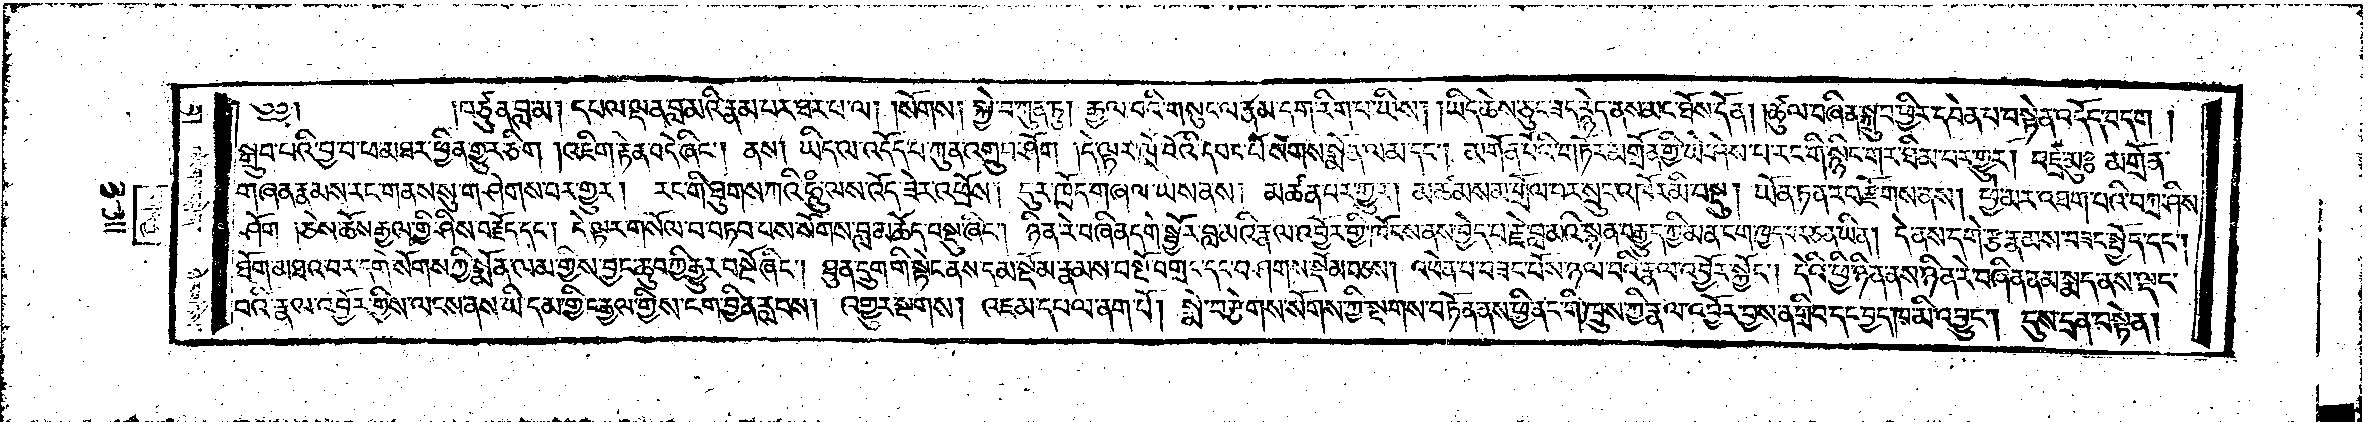༄༅། །བཙུན་བླ་མ། དཔལ་ལྡན་བླ་མའི་རྣམ་པར་ཐར་པ་ལ། །སོགས། སྐྱེ་བ་ཀུན་ཏུ། རྒྱལ་བའི་གསུང་ལ་རྣམ་དག་རིག་པ་ཡིས། །ཡིད་ཆེས་ཅུང་ཟད་རྙེད་ནས་མང་ཐོས་དོན། །ཚུལ་བཞིན་སྒྲུབ་ཕྱིར་དབེན་པ་བསྟེན་འདོད་བདག །
སྒྲུབ་པའི་བྱ་བ་ཕ་མཐར་ཕྱིན་གྱུར་ཅིག །འཇིག་རྟེན་བདེ་ཞིང་། ནས། ཡིད་ལ་འདོད་པ་ཀུན་འགྲུབ་ཤོག །དེ་ལྟར་ཁོ་བོའི་དབང་པོ་སོགས་སྨོན་ལམ་དང་། མགོན་པོའི་གཏོར་མགྲོན་གྱི་ཡེ་ཤེས་པ་རང་གི་སྙིང་གར་ཐིམ་པར་གྱུར། བཛྲ་མུཿ མགྲོན་
གཞན་རྣམས་རང་གནས་སུ་གཤེགས་པར་གྱུར། རང་གི་ཐུགས་ཀའི་ཧཱུཾ་ལས་འོད་ཟེར་འཕྲོས། དུར་ཁྲོད་གཞལ་ཡས་ནས། མཚན་པར་གྱུར། མཚམས་མ་གྲོལ་བར་སྲུང་འཁོར་མི་བསྡུ། ཡོན་ཏན་རབ་རྫོགས་ནས། ཕྱེ་མར་འཐག་པའི་བཀྲ་ཤིས་
ཤོག །ཅེས་ཆོས་རྒྱལ་གྱི་ཤིས་བརྗོད་དང་། དེ་ལྟར་གསོལ་བ་བཏབ་པས་སོགས་བླ་མཆོད་བསྡུ་ཞིང་། ཉིན་རེ་བཞིན་དགེ་སྦྱོར་བླ་མའི་རྣལ་འབྱོར་གྱི་ཁོངས་ནས་བྱེད་པ་རྗེ་བླ་མའི་སྙན་བརྒྱུད་ཀྱི་མན་ངག་ཁྱད་པར་ཅན་ཡིན། དེ་ནས་དགེ་རྩ་རྣམས་བཟང་སྤྱོད་དང་།
ཐོག་མཐའ་བར་དགེ་སོགས་ཀྱི་སྨོན་ལམ་གྱིས་བྱང་ཆུབ་ཀྱི་རྒྱུར་བསྔོ་ཞིང་། ཐུན་དུག་གི་སྟེང་ནས་དམ་སྡོམ་རྣམས་བསྔོ་བགྲང་དང་བཤགས་སྡོམ་བཅས། འཕེན་པ་བཟང་པོས་ཉལ་བའི་རྣལ་འབྱོར་སྐྱོང་། དེའི་ཕྱི་ཉིན་ནས་ཉིན་རེ་བཞིན་ནམ་སྨད་ནས་ལྡང་
བའི་རྣལ་འབྱོར་གྱིས་ལངས་ནས་ཡི་དམ་གྱི་ང་རྒྱལ་གྱིས་ངག་བྱིན་རླབས། འགྱུར་སྔགས། འཇམ་དཔལ་ནག་པོ། སྨེ་བརྩེགས་སོགས་ཀྱི་སྔགས་བཏོན་ནས་ཕྱི་ནང་གི་ཁྲུས་ཀྱི་རྣལ་འབྱོར་བྱས་ན་གྲིབ་དང་བྱད་ཁ་མི་འབྱུང་། དུས་དྲན་བསྟེན།